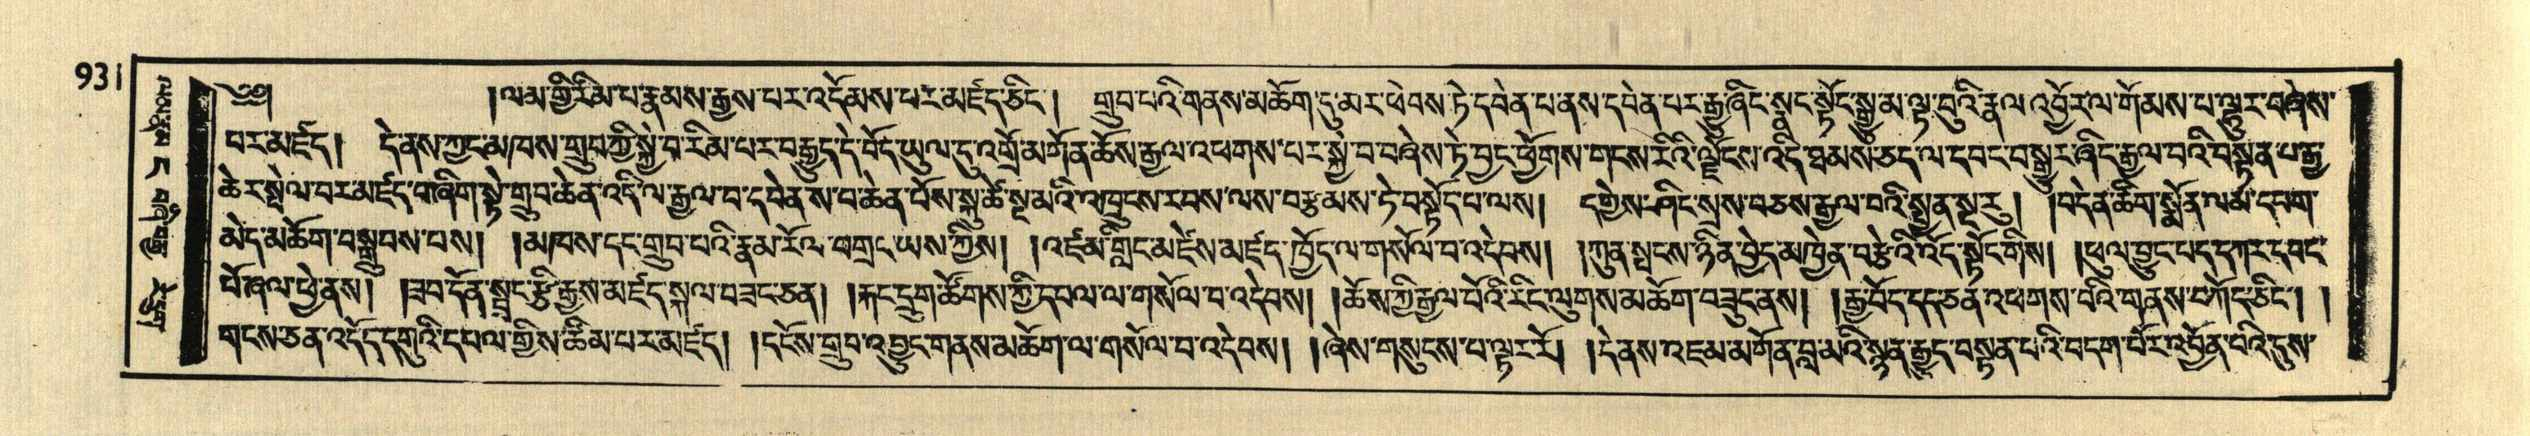༄༅། །ལམ་གྱི་རིམ་པ་རྣམས་རྒྱས་པར་འདོམས་པར་མཛད་ཅིང་། གྲུབ་པའི་གནས་མཆོག་དུ་མར་ཕེབས་ཏེ་དབེན་པ་ནས་དབེན་པར་རྒྱུ་ཞིང་སྣང་སྟོང་སྒྱུ་མ་ལྟ་བུའི་རྣལ་འབྱོར་ལ་གོམས་པ་ལྷུར་བཞེས་
པར་མཛད། དེ་ནས་ཀྱང་མཁས་གྲུབ་ཀྱི་སྐྱེ་བ་རིམ་པར་བརྒྱུད་དེ་བོད་ཡུལ་དུ་འགྲོ་མགོན་ཆོས་རྒྱལ་འཕགས་པར་སྐྱེ་བ་བཞེས་ཏེ་བྱང་ཕྱོགས་གངས་རིའི་ལྗོངས་འདི་ཐམས་ཅད་ལ་དབང་བསྒྱུར་ཞིང་རྒྱལ་བའི་བསྟན་པ་རྒྱ་
ཆེར་སྤེལ་བར་མཛད་བ་ཞིག་སྟེ་གྲུབ་ཆེན་འདི་ལ་རྒྱལ་བ་དབེན་ས་བ་ཆེན་པོས་སྐུ་ཚེ་སྔ་མའི་འཁྲུངས་རབས་ལས་བརྩམས་ཏེ་བསྟོད་པ་ལས། དགྱེས་ཤིང་སྲས་བཅས་རྒྱལ་བའི་སྤྱན་སྔ་རུ། །བདེན་ཚིག་སྨོན་ལམ་དཔག་
མེད་མཆོག་བསྒྲུབས་པས། །མཁས་དང་གྲུབ་པའི་རྣམ་རོལ་བགྲང་ཡས་ཀྱིས། །འཛམ་གླིང་མཛེས་མཛད་ཁྱོད་ལ་གསོལ་བ་འདེབས། །ཀུན་སྤངས་ཉིན་བྱེད་མཁྱེན་བརྩེའི་འོད་སྟོང་གིས། །ཕུལ་བྱུང་པད་དཀར་དབང་
པོ་ཞལ་ཕྱེ་ནས། །ཟབ་དོན་སྦྲང་རྩི་རྒྱས་མཛད་སྐལ་བཟང་ཅན། །རྐང་དྲུག་ཚོགས་ཀྱི་དཔལ་ལ་གསོལ་བ་འདེབས། །ཆོས་ཀྱི་རྒྱལ་པོའི་རིང་ལུགས་མཆོག་བཟུང་ནས། །རྒྱ་བོད་དད་ཅན་འཕགས་པའི་གནས་བཀོད་ཅིང་། །
གངས་ཅན་འདོད་དགུའི་དཔལ་གྱིས་ཚིམ་པར་མཛད། །དངོས་གྲུབ་འབྱུང་གནས་མཆོག་ལ་གསོལ་བ་འདེབས། །ཞེས་གསུངས་པ་ལྟར་རོ། །དེ་ནས་འཇམ་མགོན་བླ་མའི་སྙན་རྒྱུད་བསྟན་པའི་བདག་པོར་འབྱོན་བའི་དུས་